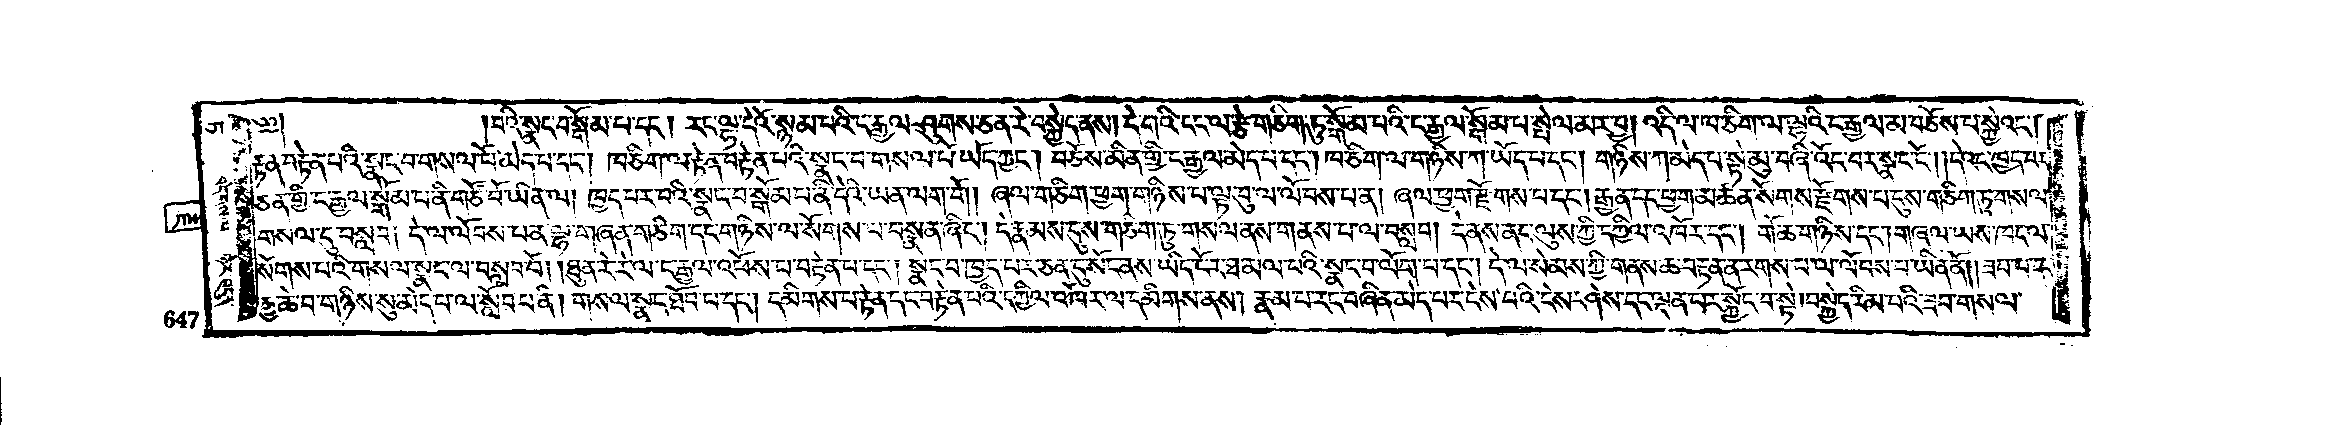༄༅། །བའི་སྣང་བ་སྒོམ་པ་དང་། རང་ལྷ་དེའོ་སྙམ་པའི་ང་རྒྱལ་ཤུགས་ཅན་རེ་བསྐྱེད་ནས། དེ་གའི་ངང་ལ་རྩེ་གཅིག་ཏུ་སྒོམ་པའི་ང་རྒྱལ་སྒོམ་པ་སྤེལ་མར་བྱ། འདི་ལ་ཁ་ཅིག་ལ་ལྷའི་ང་རྒྱལ་མ་བཅོས་པ་སྐྱེའང་།
རྟན་བརྟེན་པའི་སྣང་བ་གསལ་པོ་མེད་པ་དང་། ཁ་ཅིག་ལ་རྟེན་བརྟེན་པའི་སྣང་བ་གསལ་པོ་ཡོད་ཀྱང་། བཅོས་མིན་གྱི་ང་རྒྱལ་མེད་པ་དང་། ཁ་ཅིག་ལ་གཉིས་ཀ་ཡོད་པ་དང་། གཉིས་ཀ་མེད་པ་སྟེ་མུ་བཞི་འོང་བར་སྣང་ངོ། །དེའང་ཁྱད་པར་
ཅན་གྱི་ང་རྒྱལ་སྒོམ་པ་ནི་གཙོ་བོ་ཡིན་ལ། ཁྱད་པར་བའི་སྣང་བ་སྒོམ་པ་ནི་དེའི་ཡན་ལག་གོ །ཞལ་གཅིག་ཕྱག་གཉིས་པ་ལྟ་བུ་ལ་ལོ་བས་པ་ན། ཞལ་ཕྱག་རྫོགས་པ་དང་། རྒྱན་དང་ཕྱག་མཚན་སོགས་རྫོགས་པ་དུས་གཅིག་ཏུ་གསལ་
གསལ་དུ་བསླབ། དེ་ལ་ལོབས་པ་ན་ལྷ་གཞན་གཅིག་དང་གཉིས་ལ་སོགས་པ་བསྣན་ཞིང་། དེ་རྣམས་དུས་གཅིག་ཏུ་གསལ་ནས་གནས་པ་ལ་བསླབ། དེ་ནས་ནང་ལུས་ཀྱི་དཀྱིལ་འཁོར་དང་། གོ་ཆ་གཉིས་དང་། གཞལ་ཡས་ཁང་ལ་
སོགས་པའི་གསལ་སྣང་ལ་བསླབ་བོ། །ཐུན་རེ་རེ་ལ་ང་རྒྱལ་འཕོས་པ་བརྟེན་པ་དང་། སྣང་བ་ཁྱད་པར་ཅན་དུ་སོང་ནས་ཡིད་ངོར་ཐ་མལ་པའི་སྣང་བ་ལོག་པ་དང་། དེ་ལ་སེམས་ཀྱི་གནས་ཆ་བརྟན་ན་རགས་པ་ལ་ལོབས་པ་ཡིན་ནོ། །ཟབ་པ་དང་
རྒྱ་ཆེ་བ་གཉིས་སུ་མེད་པ་ལ་སློབ་པ་ནི། གསལ་སྣང་ཐོབ་པ་དང་། དམིགས་པ་རྟེན་དང་བརྟེན་པའི་དཀྱིལ་འཁོར་ལ་དམིགས་ནས། རྣམ་པ་རང་བཞིན་མེད་པར་ངེས་བའི་ངེས་ཤེས་དང་ལྡན་པར་སྐྱོང་བ་སྟེ། བསྐྱེད་རིམ་པའི་ཟབ་གསལ་